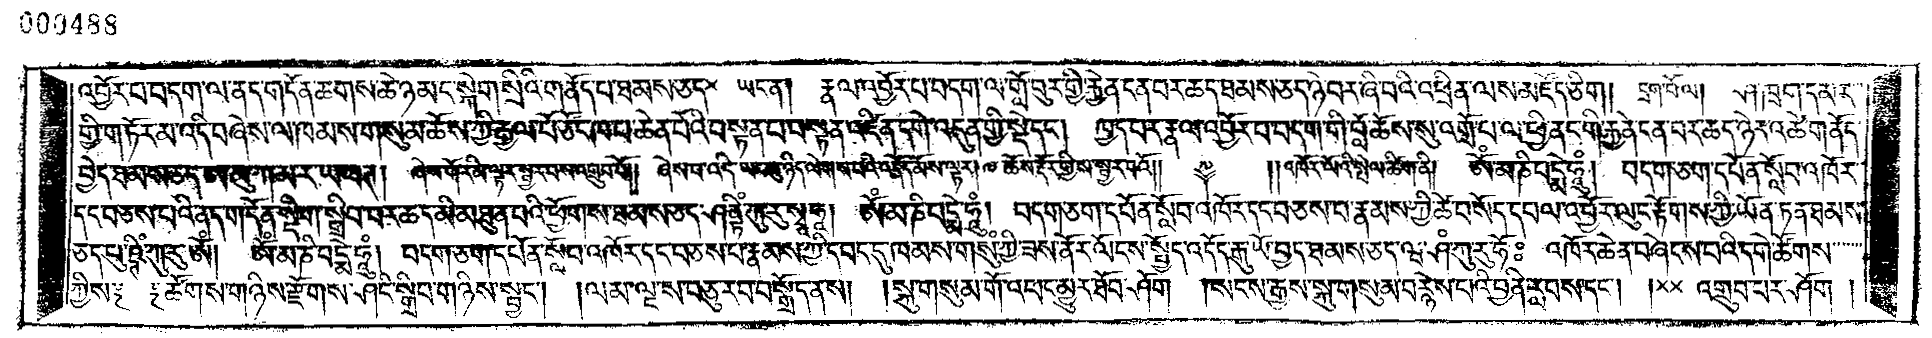འབྱོར་པ་བདག་ལ་ནད་གདོན་ཆགས་ཆེ་ཉམ་ང་སྐེག་སྲིའི་གནོད་པ་ཐམས་ཅད྾་ཡང་ན།  རྣལ་འབྱོར་པ་བདག་ལ་གློ་བུར་གྱི་རྐྱེན་ངན་བར་ཆད་ཐམས་ཅད་ཉེ་བར་ཞི་བའི་འཕྲིན་ལས་མཛོད་ཅིག ། དྲག་པོ་ལ།  ཤ་ཁྲག་དམར་
གྱི་གཏོར་མ་འདི་བཞེས་ལ་ཁམས་གསུམ་ཆོས་ཀྱི་རྒྱལ་པོ་ཙོང་ཁ་པ་ཆེན་པོའི་བསྟན་པ་བསྟན་འཛིན་དགེ་འདུན་གྱི་སྡེ་དང་། ཁྱད་པར་རྣལ་འབྱོར་པ་བདག་གི་བློ་ཆོས་སུ་འགྲོ་པ་ལ་ཕྱི་ནང་གི་རྐྱེན་ངན་བར་ཆད་ཉེར་འཚེ་གནོད་
བྱེད་ཐམས་ཅད་ཨ་མུ་ཀ་མ་ར་ཡ་ཕཊ། ཞེས་གོ་རིམ་ལྟར་སྦྱར་བས་འགྲུབ་བོ།། ཞེས་པ་འདི་ཡང་སུ་ཉིད་ལེགས་པའི་འདོད་མོས་ལྟར། ༧་ཆོས་རྡོར་གྱིས་སྦྱར་བའོ།། ༈ །།འཁོར་ལོའི་སྤེལ་ཚིག་ནི།  ཨོཾ་མ་ཎི་པདམེ་ཧཱུཾ། བདག་ཅག་དཔོན་སློབ་འཁོར་
དང་བཅས་པའི་ནད་གདོན་སྡིག་སྒྲིབ་བར་ཆད་མི་མཐུན་པའི་ཕྱོགས་ཐམས་ཅད་ཤནྟིཾ་ཀུ་རུ་སྭཱཧཱ། ཨོཾ་མ་ཎི་པདམེ་ཧཱུཾ། བདག་ཅག་དཔོན་སློབ་འཁོར་དང་བཅས་པ་རྣམས་ཀྱི་ཚེ་བསོད་དཔལ་འབྱོར་ལུང་རྟོགས་ཀྱི་ཡོན་ཏན་ཐམས་
ཅད་པུ་ཥྚིཾ་ཀུ་རུ་ཨོཾ། ཨོཾ་མ་ཎི་པདམེ་ཧཱུཾ། བདག་ཅག་དཔོན་སློབ་འཁོར་དང་བཅས་པ་རྣམས་ཀྱི་དབང་དུ་ཁམས་གསུམ་གྱི་ཟས་ནོར་ལོངས་སྤྱོད་འདོད་རྒུ་ཡོ་བྱད་ཐམས་ཅད་ཝ་ཤཾ་ཀུ་རུ་ཧོཿ འཁོར་ཆེན་བཞེངས་པའི་དགེ་ཚོགས་
ཀྱིས༑ ༑ཚོགས་གཉིས་རྫོགས་ཤིང་སྒྲིབ་གཉིས་སྦྱང་། །ལམ་ལྔ་ས་བཅུ་རབ་བསྒྲོད་ནས། །སྐུ་གསུམ་གོ་འཕང་མྱུར་ཐོབ་ཤོག །སངས་རྒྱས་སྐུ་གསུམ་བརྙེས་པའི་བྱིན་རླབས་དང་། །྾྾་འགྲུབ་པར་ཤོག །